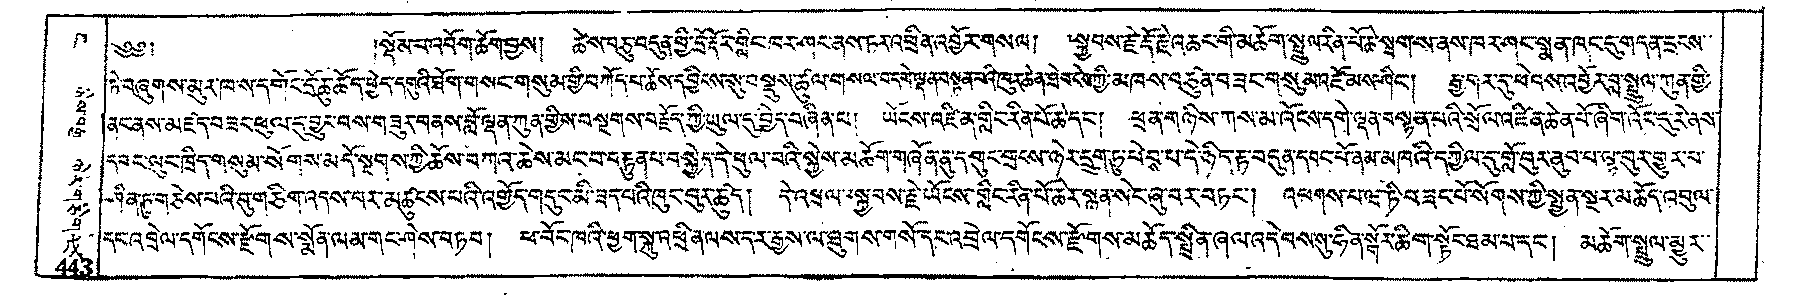༄༅། །སྡོམ་པ་འབོག་ཆོག་བྱས། ཚེས་བཅུ་བདུན་ཕྱི་དྲོ་རྡོར་གླིང་ཁར་ཤང་ནས་ཏར་འཕྲིན་འབྱོར་གསལ། ༧སྐྱབས་རྗེ་རྡོ་རྗེ་འཆང་གི་མཆོག་སྤྲུལ་རིན་པོ་ཆེ་སྦག་ས་ནས་ཁར་ཤང་སྨན་ཁང་དུ་གདན་དྲངས་
ཏེ་བཞུགས་མུར་ཁ་ས་དགོང་དྲོ་ཆུ་ཚོད་ཕྱེད་དགུའི་ཐོག་གསང་གསུམ་གྱི་བཀོད་པ་ཆོས་དབྱིངས་སུ་བསྡུས་ཚུལ་གསལ་བ་དགེ་ལྡན་བསྟན་པའི་ཁུར་ཆེན་ཐེག་ངེས་ཀྱི་མཁས་བཙུན་བཟང་གསུམ་འཛོམས་ཤིང་། རྒྱ་གར་དུ་ཕེབས་འབྱོར་བླ་སྤྲུལ་ཀུན་གྱི་
ནང་ནས་མཛད་བཟང་ཕུལ་དུ་བྱུང་བས་གཟུར་གནས་བློ་ལྡན་ཀུན་གྱིས་བསྔགས་བརྗོད་ཀྱི་ཡུལ་དུ་བྱེད་བཞིན་པ། ཡོངས་འཛིན་གླིང་རིན་པོ་ཆེ་དང་། ཕྲན་གཉིས་ཀས་མ་འོངས་དགེ་ལྡན་བསྟན་པའི་སྲོལ་འཛིན་ཆེན་པོ་ཞིག་འོང་དུ་རེ་ནས་
དབང་ལུང་ཁྲིད་གསུམ་སོགས་མདོ་སྔགས་ཀྱི་ཆོས་བཀའ་ཆེས་མང་བ་བརྟུན་པ་བསྐྱེད་དེ་ཕུལ་བའི་སྐྱེས་མཆོག་གཞོན་ནུ་དགུང་གྲངས་ཉེར་དྲུག་ཏུ་ཕེབས་པ་དེ་ཉིད་རྟ་བདུན་དབང་པོ་ནམ་མཁའི་དཀྱིལ་དུ་གློ་བུར་ནུབ་པ་ལྟ་བུར་གྱུར་པ་
ཤིན་ཏུ་གཅེས་པའི་བུ་གཅིག་འདས་པར་མཚུངས་པའི་འགྱོད་གདུང་མི་ཟད་པའི་ཁུང་བུར་ཚུད། དེ་འཕྲལ་༧སྐྱབས་རྗེ་ཡོངས་གླིང་རིན་པོ་ཆེར་སྙན་སེང་ཞུ་བར་བཏང་། འཕགས་པ་ཝ་ཏི་བཟང་པོ་སོགས་ཀྱི་སྤྱན་སྔར་མཆོད་འབུལ་
དང་འབྲེལ་དགོངས་རྫོགས་སྨོན་ལམ་གང་ཤེས་བཏབ། ཕ་བོང་ཁའི་ཕྱག་སྐུ་འཕྲིན་ལས་དར་རྒྱས་ལ་ཐུགས་གསོ་དང་འབྲེལ་དགོངས་རྫོགས་མཆོད་སྤྲིན་ཞལ་འདེབས་སུ་ཧིན་སྒོར་ཆིག་སྟོང་ཐམ་པ་དང་། མཆོག་སྤྲུལ་མྱུར་